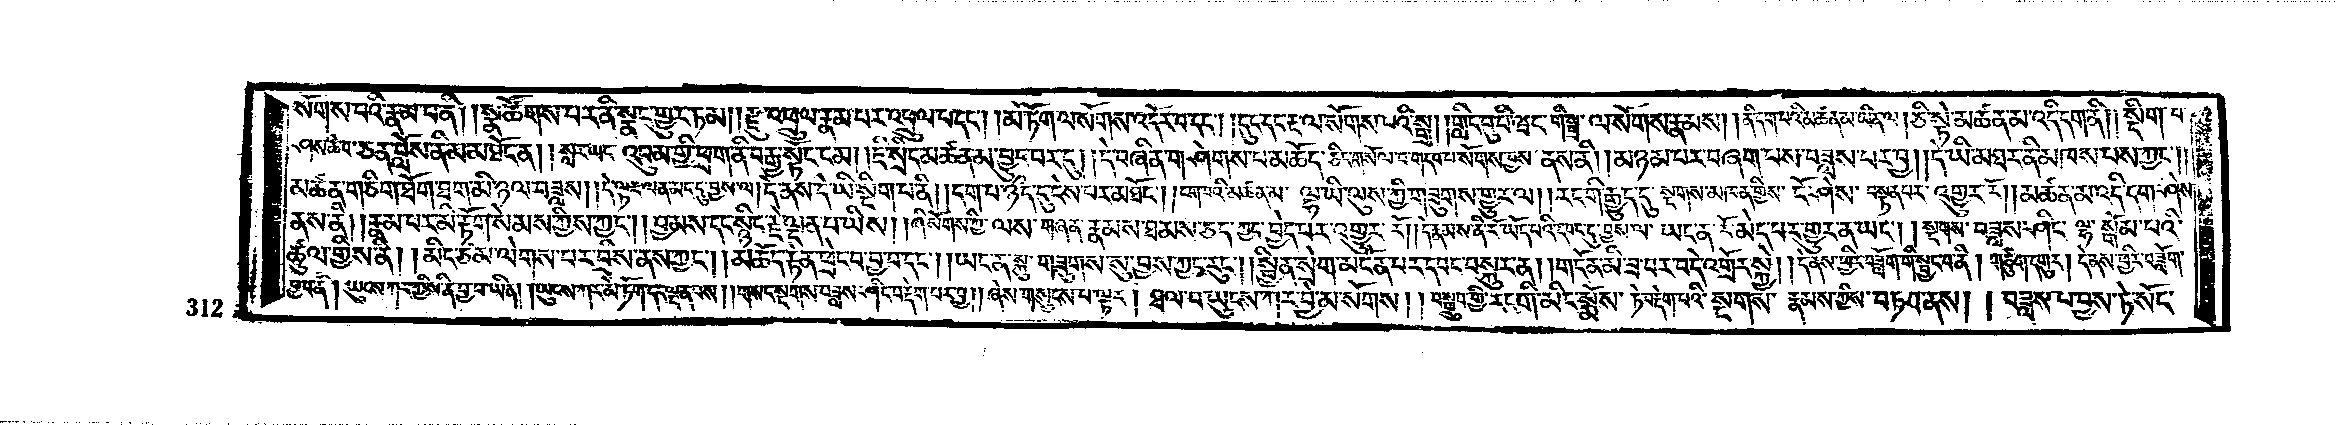སོགས་པའི་རྣམ་པ་ནི། །སྣ་ཚོགས་པར་ནི་སྣང་གྱུར་ཏམ། །རྫུ་འཕྲུལ་རྣམ་པར་འཕྲུལ་པ་དང་། །མེ་ཏོག་ལ་སོགས་འདོར་བ་དང་། །དུང་དང་རྔ་ལ་སོགས་པའི་སྒྲ། །གླིང་བུ་པི་ཝང་གི་སྒྲ་ལ་སོགས་རྣམས། ། ནི་དག་པའི་མཚན་མ་ཡིན་ལ། ཅི་སྟེ་མཚན་མ་འདི་དག་ནི། །སྡིག་པ་
ཤས་ཆེ་བ་ཅན་བློས་ནི་མ་མཐོང་ན། ། སླར་ཡང་འབུམ་གྱི་ཕྲག་ནི་བརྒྱ་སྟོང་ངམ། །ཇི་སྲིད་མཚན་མ་བྱུང་བར་དུ། །དེ་བཞིན་གཤེགས་པ་མཆོད་ཅིང་གསོལ་བ་གདབ་པ་སོགས་བྱས་ནས་ནི། །མཉམ་པར་བཞག་པས་བཟླས་པར་བྱ། །དེ་ཡི་མཐར་ནི་མཁས་པས་ཀྱང་། །
མཚན་གཅིག་ཐོག་ཐག་མི་ཉལ་བཟླས། ། དེ་ལྟར་ལན་མང་དུ་བྱས་ལ། དེ་ནས་དེ་ཡི་སྡིག་པ་ནི། །དག་པ་ཉིད་དུ་ངེས་པར་མཐོང་། ། དག་བའི་མཚན་མ་ལྷ་ཡི་ལུས་ཀྱི་གཟུགས་གྱུར་ལ། །རང་གི་རྒྱུད་དུ་སྔགས་མཁན་གྱིས་ངོ་ཤེས་བསྟན་པར་འགྱུར་རོ། །མཚན་མ་འདི་དག་ཤེས་
ནས་ནི། །རྣམ་པར་མི་རྟོག་སེམས་ཀྱིས་ཀྱང་། །བྱམས་དང་སྙིང་རྗེ་ལྡན་པ་ཡིས། ། ཞི་སོགས་ཀྱི་ལས་གཞན་རྣམས་ཐམས་ཅད་ཀྱང་བྱེད་པར་འགྱུར་རོ། །དེ་རྣམས་ནི་རོ་ཡོད་པའི་དབང་དུ་བྱས་ལ་ཡང་ན་རོ་མེད་པར་གྱུར་ན་ཡང་། ། སྔགས་བཟླས་ཤིང་ལྷ་སྒོམ་པའི་
ཚུལ་གྱིས་ནི། །མིང་ཙམ་ལེགས་པར་བྲིས་ནས་ཀྱང་། །མཆོད་རྟེན་ཕྲེང་བ་བྱ་བ་དང་། །ཡང་ན་སྐུ་གཟུགས་སུ་བྱས་ཀྱང་རུང་། །སྦྱིན་སྲེག་མངོན་པར་དབང་བསྐུར་ན། །གདོན་མི་ཟ་བར་བདེ་འགྲོར་སྐྱེ། །དེ་ནས་ཕྱིར་བཟློག་གི་སྦྱང་བ་ནི། གཙུག་དགུར། དེ་ནས་ཕྱིར་བཟློག་
བྱ་བ་ནི། ཡུངས་ཀར་ཀྱིས་ནི་བྱ་བ་ཡིན། །ཡུངས་ཀར་མེ་ཏོག་དང་ལྡན་པས། །གསང་སྔགས་བཟླས་ཤིང་བརྡེག་པར་བྱ། །ཞེས་གསུངས་པ་ལྟར། ཐལ་བ་ཡུངས་ཀར་བྱེ་མ་སོགས། ། བསྒྲུབ་བྱ་རང་གི་མིང་སྨོས་ཏེ་བརྡེག་པའི་སྔགས་རྣམས་ཀྱིས་བཏབ་ནས། །བཟླས་པ་བྱས་ཏེ་སོང་